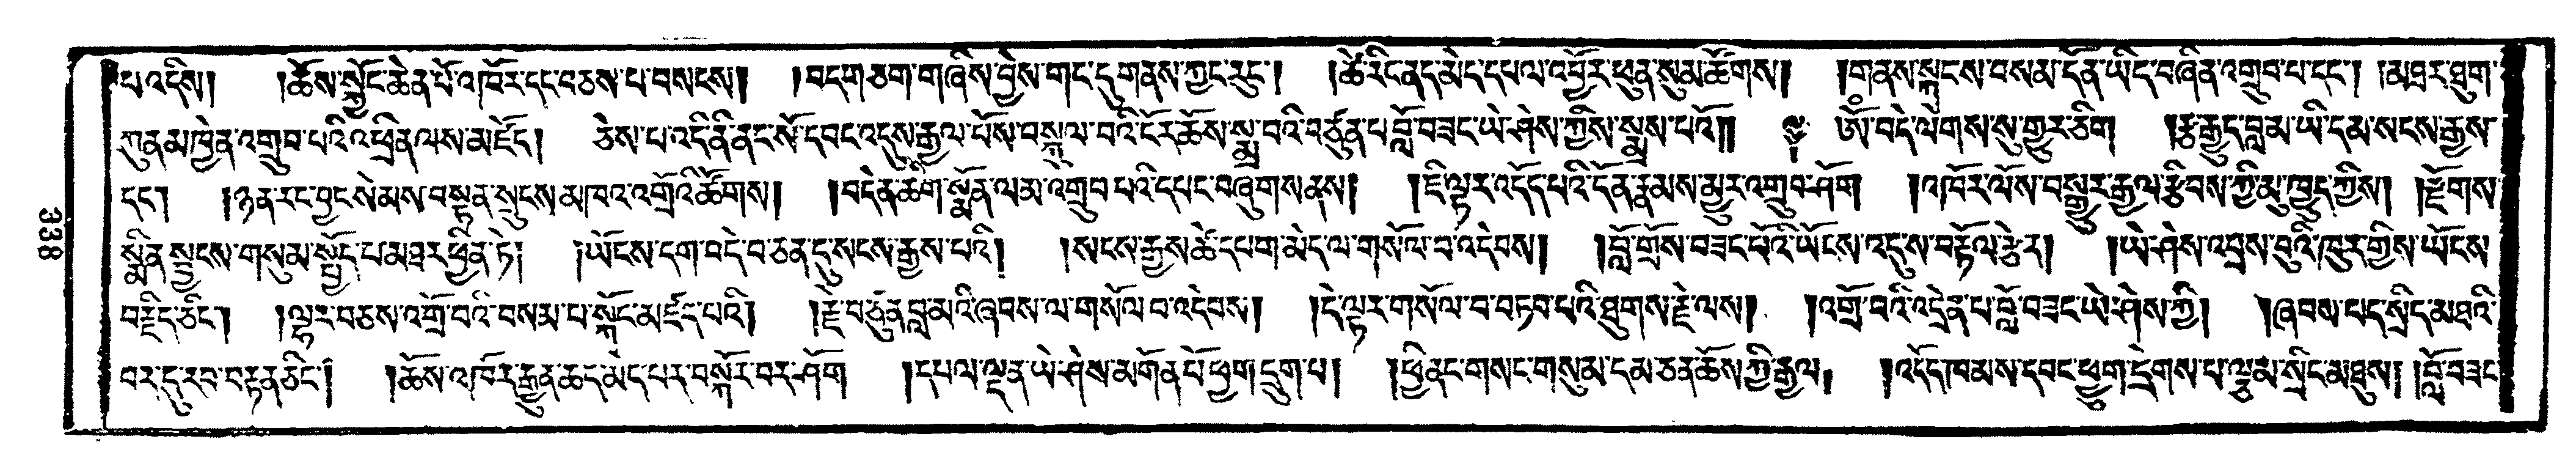པ་འདིས། །ཆོས་སྐྱོང་ཆེན་པོ་འཁོར་དང་བཅས་པ་བསངས། །བདག་ཅག་གཞིས་བྱེད་གང་དུ་གནས་ཀྱང་རུང་། །ཚེ་རིང་ནད་མེད་དཔལ་འབྱོར་ཕུན་སུམ་ཚོགས། །གནས་སྐངས་བསམ་དོན་ཡིད་བཞིན་འགྲུབ་པ་དང་། །མཐར་ཐུག་
ཀུན་མཁྱེན་འགྲུབ་པའི་འཕྲིན་ལས་མཛོད། ཅེས་པ་འདི་ནི་ནང་སོ་དབང་འདུས་རྒྱལ་པོས་བསྐུལ་བའི་ངོར་ཆོས་སྨྲ་བའི་བཙུན་པ་བློ་བཟང་ཡེ་ཤེས་ཀྱིས་སྨྲས་པའོ།། ༈ ཨོཾ་བདེ་ལེགས་སུ་གྱུར་ཅིག །རྩ་རྒྱུད་བླ་མ་ཡི་དམ་སངས་རྒྱས་
དང་། །ཉན་རང་བྱང་སེམས་བསྟན་སྲུངས་མཁའ་འགྲོའི་ཚོགས། །བདེན་ཚིག་སྨོན་ལམ་འགྲུབ་པའི་དཔང་བཞུགས་ནས། །ཇི་ལྟར་འདོད་པའི་དོན་རྣམས་མྱུར་འགྲུབ་ཤོག །འཁོར་ལོས་བསྒྱུར་རྒྱལ་རྩིགས་ཀྱི་མུ་ཁྱུད་ཀྱིས། །རྫོགས་
སྨིན་སྤྱངས་གསུམ་སྤྱོད་པ་མཐར་ཕྱིན་ཏེ། །ཡོངས་དག་བདེ་བ་ཅན་དུ་སངས་རྒྱས་པའི། །སངས་རྒྱས་ཚེ་དཔག་མེད་ལ་གསོལ་བ་འདེབས། །བློ་གྲོས་བཟང་པོའི་ཡོངས་འདུ་ས་བརྟོལ་རྩེར། །ཡེ་ཤེས་འབྲས་བུའི་ཁུར་གྱིས་ཡོངས་
བརྗིད་ཅིང་། །ལྷར་བཅས་འགྲོ་བའི་བསམ་པ་སྐོང་མཛད་པའི། །རྗེ་བཙུན་བླ་མའི་ཞབས་ལ་གསོལ་བ་འདེབས། །དེ་ལྟར་གསོལ་བ་བཏབ་པའི་ཐུགས་རྗེ་ལས། །འགྲོ་བའི་འདྲེན་པ་བློ་བཟང་ཡེ་ཤེས་ཀྱི། །ཞབས་པད་སྲིད་མཐའི་
བར་དུ་རབ་བརྟན་ཅིང་། །ཆོས་འཁོར་རྒྱུན་ཆད་མེད་པར་བསྐོར་བར་ཤོག །དཔལ་ལྡན་ཡེ་ཤེས་མགོན་པོ་ཕྱག་དྲུག་པ། །ཕྱི་ནང་གསང་གསུམ་དམ་ཅན་ཆོས་ཀྱི་རྒྱལ། །འདོད་ཁམས་དབང་ཕྱུག་དྲེགས་པ་ལྕམ་སྲིད་མཐུས། །བློ་བཟང་